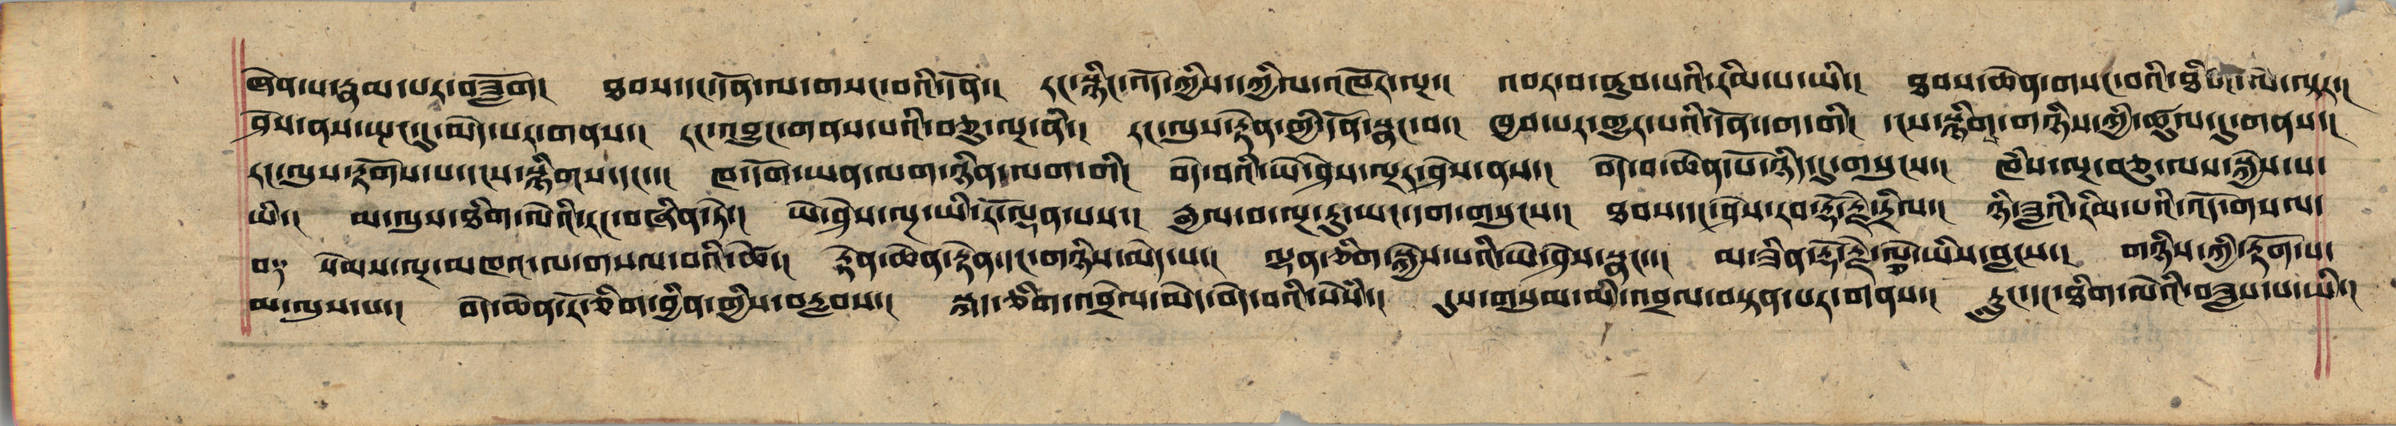ཞེན་པ་རྣམ་པར་བཟློག། ཐབས་དང་དོན་ལ་གསང་བའི་དོན་། རང་སྙིང་འོད་ཀྱིས་དཀྱིལ་འཁོར་ལྔ་། འབར་བ་ནུབ་པའི་རིམ་པ་ཡི་། ཐབས་ཆེན་གསང་བའི་ཐིག་ལེ་ལྟར་།
ཤེས་ནས་སྤང་དུ་མེད་པར་གནས་། རང་འབྱུང་གནས་པའི་བཅུ་ལྔ་ནི་། རང་ལུས་རྟེན་གྱི་དོན་སྣང་བ་། ཁྱབ་པར་གྱུར་པའི་དོན་དག་གི་། དངས་སྙིགས་གཉིས་ཀྱི་ཚུལ་དུ་གནས་།
རང་ལུས་རྟོགས་པ་དངས་སྙིགས་དང་་། ཁ་དོག་ཡན་ལག་ཉིན་ལག་གི། བདེ་བའི་ཡེ་ཤེས་ལྔར་ཤེས་ནས་། བདེ་བ་ཆེན་པོ་ཉིད་དུ་གསུངས་། ཁཾས་ལྔ་བཅུ་ལས་སྐྱེས་པ་
ཡི་། མ་ལུས་ཐིག་ལེའི་རང་བཞིན་ཏེ་། ཡེ་ཤེས་ལྔ་ཡི་རོ་ལྡན་པས་། རྒྱལ་བ་ལྔ་རུ་ཡང་དག་གསུངས་། ཐབས་དང་ཤེས་རབ་རྡོ་རྗེ་དྲིལ་། ཉི་ཟླའི་རིམ་པའི་འོད་གསལ་
བ༑ སེམས་ལྔ་མཁའ་ལ་གསལ་བའི་ཚེ་། རྟེན་ཆེན་རྟེན་དང་གཉིས་མེད་པ་། ལྷན་ཅིག་སྐྱེས་པའི་ཡེ་ཤེས་སྣང་་། མ་ཟིན་རྡོ་རྗེ་ལྕེ་ཡིས་བླངས་། གཉིས་ཀྱི་རྟོག་པ་
མ་ལུས་པ་། བདེ་ཆེན་རོ་ཅིག་བྱིན་གྱིས་བརླབས་། སྐད་ཅིག་འབྲེལ་མེད་བདེ་བའི་སེཾས་། དུག་གསུམ་མི་འབྲལ་བསྟན་པར་གནས་། རླུང་དང་ཐིག་ལེའི་བཟླས་པ་ཡི་།